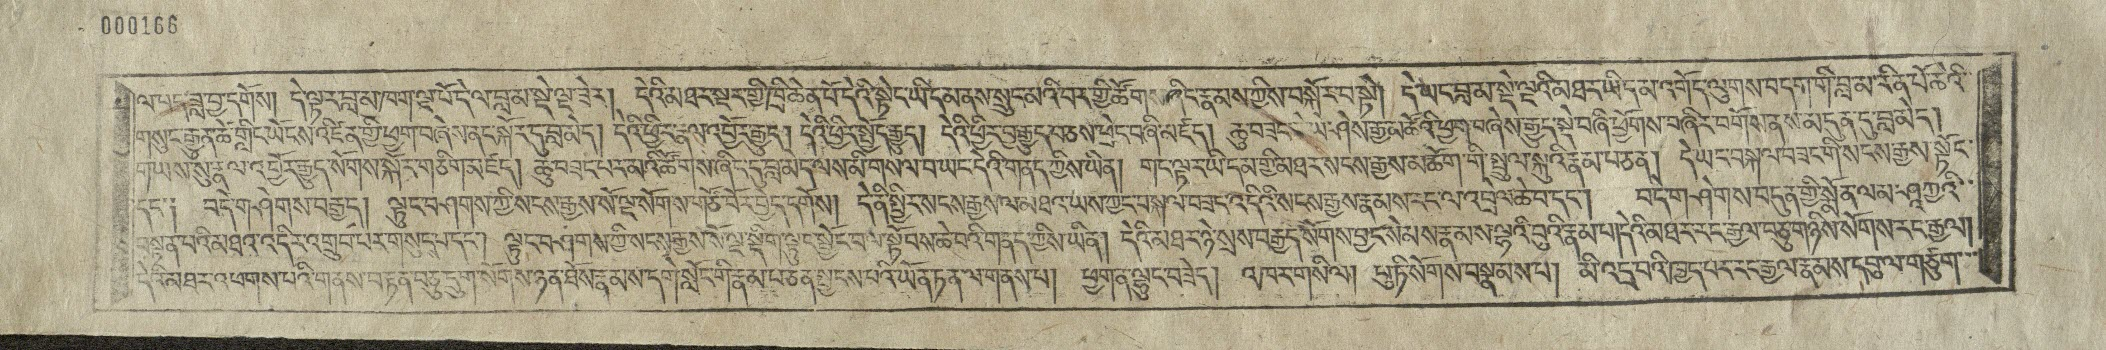ལ་པད་ཟླ་བྱ་དགོས། དེ་ལྟར་བླ་མ་ཁག་ལྔ་པོ་དེ་ལ་བླ་མ་སྡེ་ལྔ་ཟེར། དེའི་མཐར་སྔར་གྱི་ཁྲི་ཆེན་པོ་དེའི་སྟེང་ཡི་དམ་ནས་སྲུང་མའི་བར་གྱི་ཚོགས་ཞིང་རྣམས་ཀྱིས་བསྐོར་བ་སྟེ། དེ་ཡང་བླ་མ་སྡེ་ལྔའི་མཐར་ཡིད་མ་འགོད་ལུགས་བདག་གི་བླ་མ་རིན་པོ་ཆེའི་
གསུང་རྒྱུན་ཚེ་གླིང་ཡོངས་འཛིན་གྱི་ཕྱག་བཞེས་ནང་སྐོར་དུ་བླ་མེད། དེའི་ཕྱིར་རྣལ་འབྱོར་རྒྱུད། དེའི་ཕྱིར་སྤྱོད་རྒྱུད། དེའི་ཕྱིར་བྱ་རྒྱུད་བཅས་ཕྲེང་བཞི་མཛད། ཆུ་བཟང་རྗེ་ཡེ་ཤེས་རྒྱ་མཚོའི་ཕྱག་བཞེས་རྒྱུད་སྡེ་བཞི་ཕྱོགས་བཞིར་བགོས་ནས་མདུན་དུ་བླ་མེད།
གཡས་སུ་རྣལ་འབྱོར་རྒྱུད་སོགས་སྐོར་གཅིག་མཛད། ཆུ་བཟང་པར་མའི་ཚོགས་ཞིང་དུ་བླ་མེད་ལས་མི་གསལ་བ་ཡང་དེའི་གནད་ཀྱིས་ཡིན། གང་ལྟར་ཡི་དམ་གྱི་མཐར་སངས་རྒྱས་མཆོག་གི་སྤྲུལ་སྐུའི་རྣམ་པ་ཅན། དེ་ཡང་བསྐལ་བཟང་གི་སངས་རྒྱས་སྟོང་
དང༑ བདེ་གཤེགས་བརྒྱད། ལྟུང་བཤགས་ཀྱི་སངས་རྒྱས་སོ་ལྔ་སོགས་གཙོ་བོར་བྱེད་དགོས། དེ་ནི་སྤྱིར་སངས་རྒྱས་ལ་མཐའ་ཡས་ཀྱང་བསྐལ་བཟང་འདིའི་སངས་རྒྱས་རྣམས་རང་ལ་འབྲེལ་ཆེ་བ་དང་། བདེ་གཤེགས་བདུན་གྱི་སྨོན་ལམ་ཤཱ་ཀྱའི་
བསྟན་པའི་མཐའ་འདིར་འགྲུབ་པར་གསུངས་པ་དང་། ལྟུང་བཤགས་ཀྱི་སངས་རྒྱས་སོ་ལྔ་སྡིག་ལྟུང་སྦྱོང་བ་ལ་སྟོབས་ཆེ་བའི་གནད་ཀྱིས་ཡིན། དེའི་མཐར་ཉེ་སྲས་བརྒྱད་སོགས་བྱང་སེམས་རྣམས་ལྷའི་བུའི་རྣམ་པ། དེའི་མཐར་རང་རྒྱལ་བཅུ་གཉིས་སོགས་རང་རྒྱལ།
དེའི་མཐར་འཕགས་པའི་གནས་བརྟན་བཅུ་དྲུག་སོགས་ཉན་ཐོས་རྣམས་དགེ་སློང་གི་རྣམ་པ་ཅན་སྦྱངས་པའི་ཡོན་ཏན་ལ་གནས་པ། ཕྱག་ན་ལྷུང་བཟེད། འཁར་གསིལ། པུ་ཏི་སོགས་བསྣམས་པ། མི་འདྲ་བའི་ཁྱད་པར་རང་རྒྱལ་རྣམས་དབུ་ལ་གཙུག་